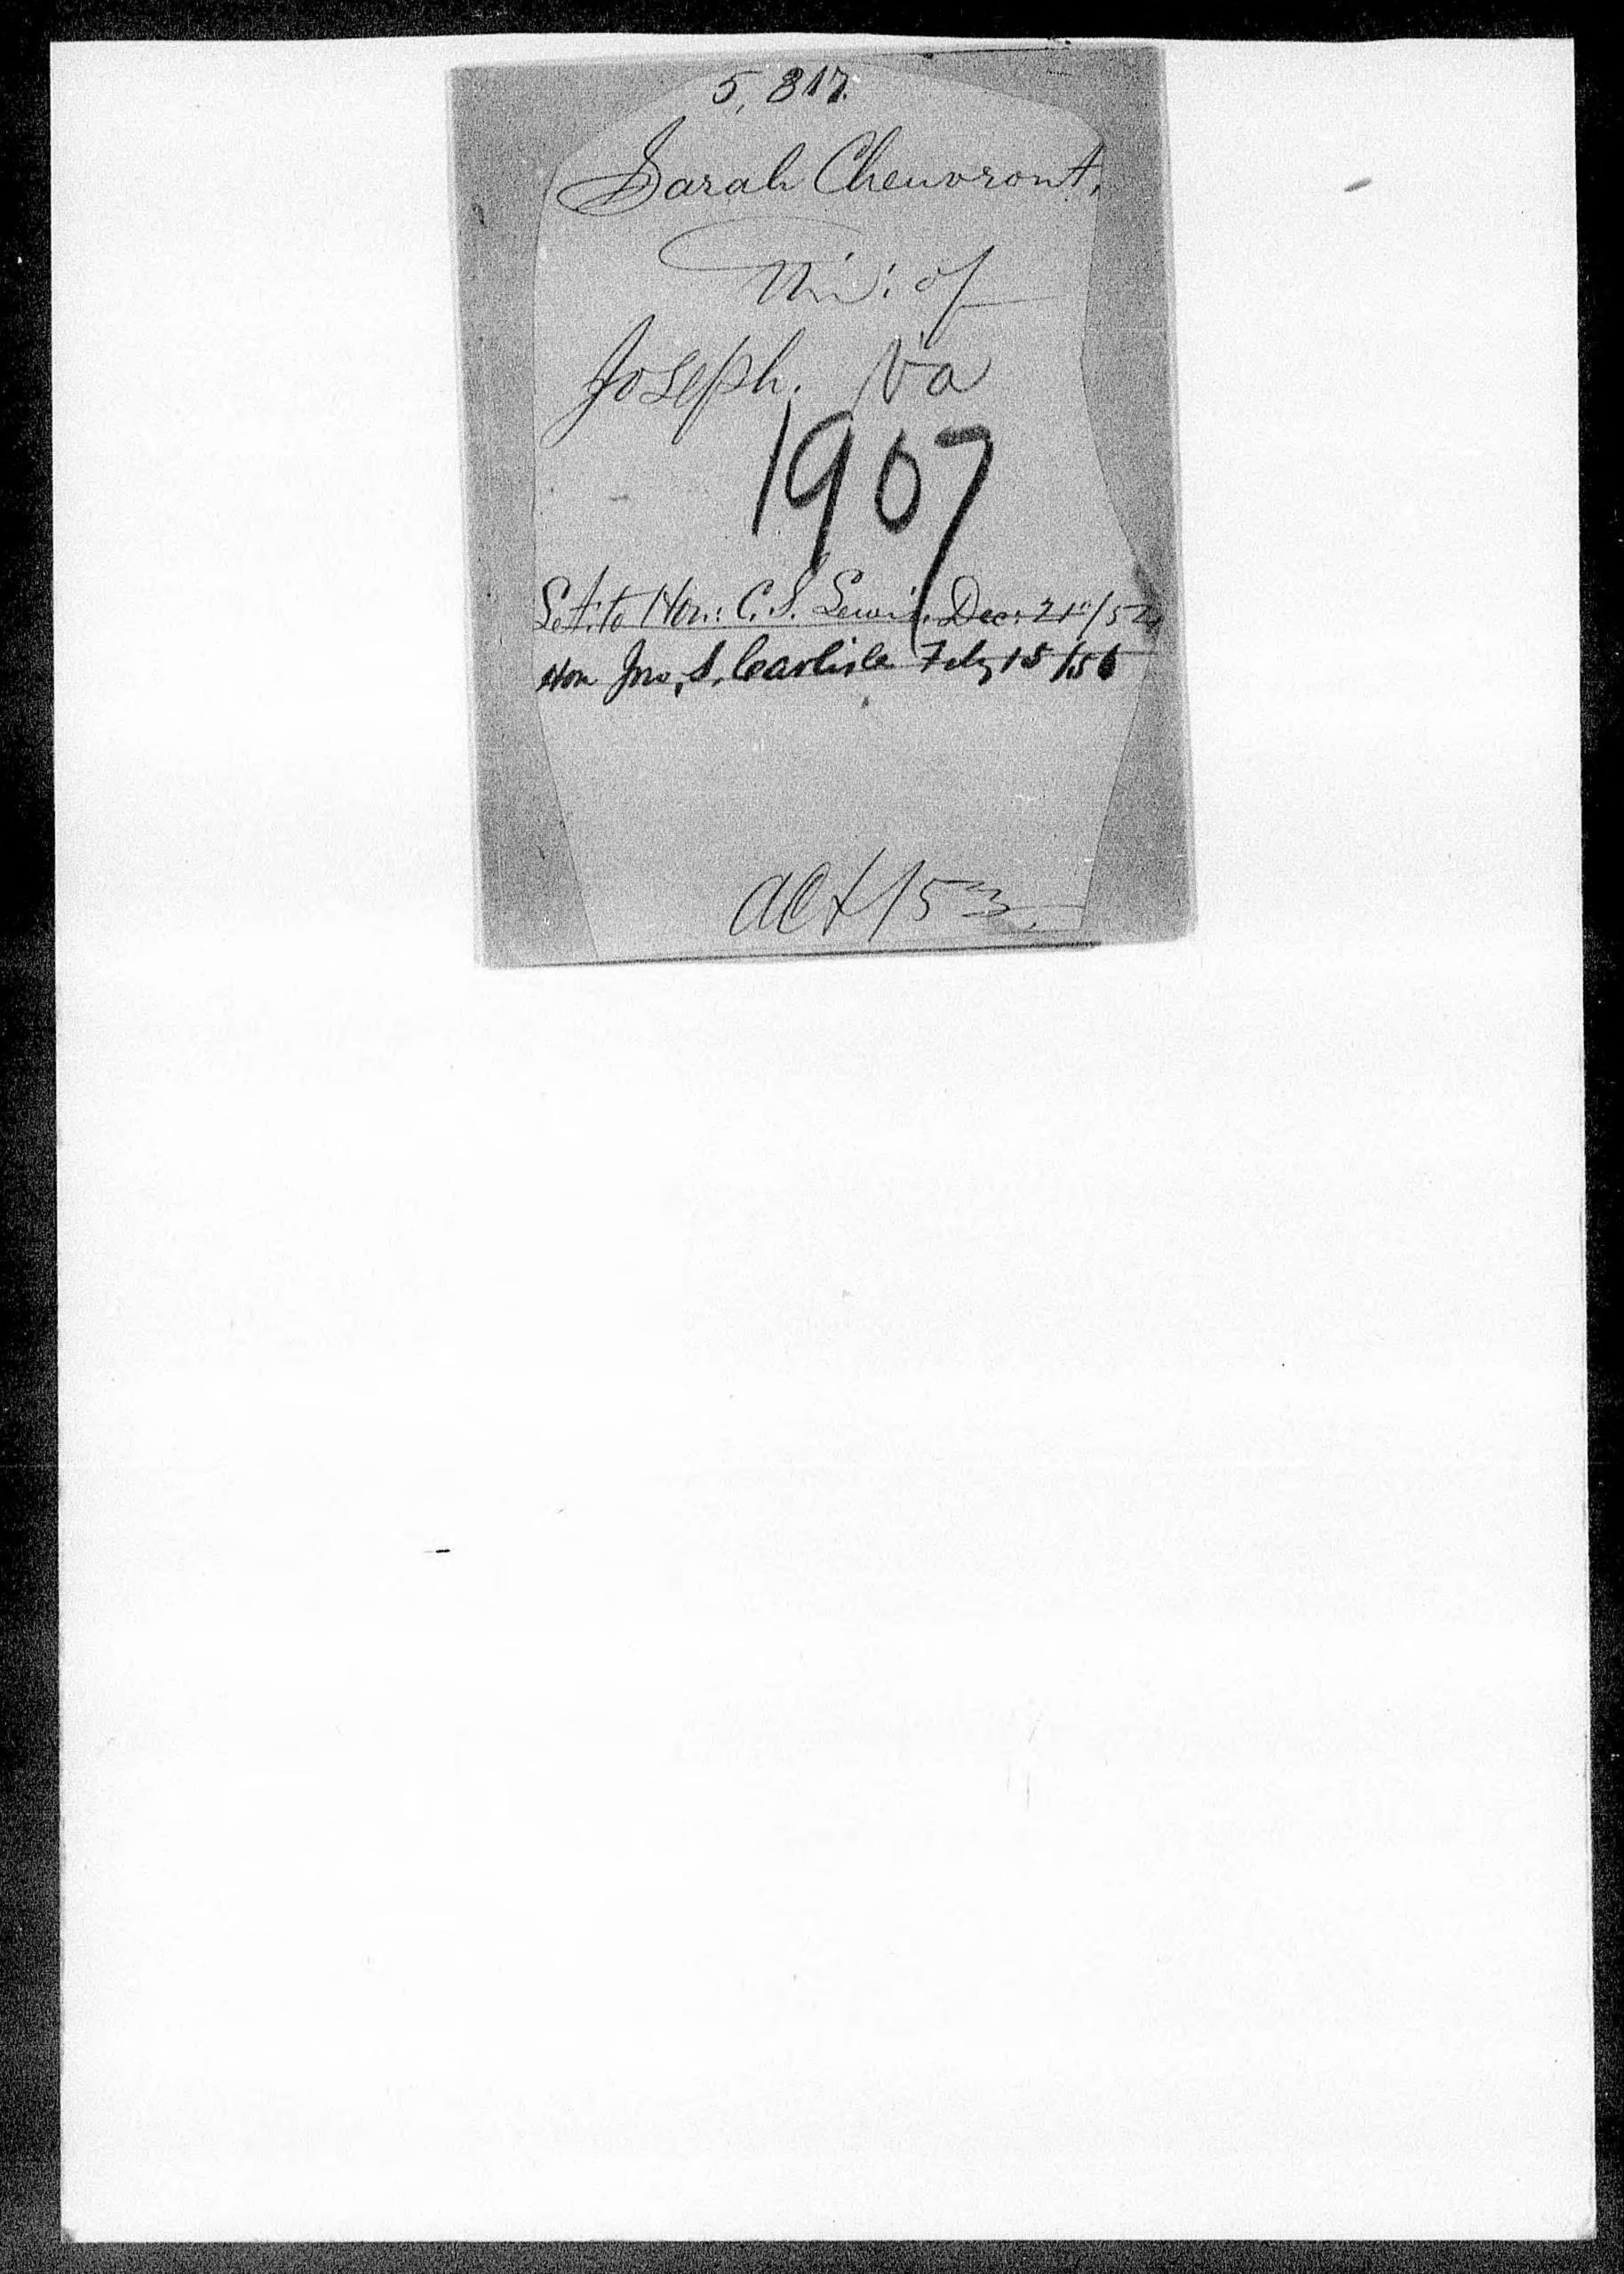5,817
Sarah Cheuvront
Mrs: of
Joseph, Va
1907
 
set to Hon. C. S. Lewis Dec 21/
Hon J. S. Carlisle Feb 15 /56
ACft53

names: Joseph Cheuvront, Jno S Carlisle, Sarah Cheuvront, C S Lewis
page: 12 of 21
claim: rejected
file: R. 1,907, Joseph Cheuvront, Va.